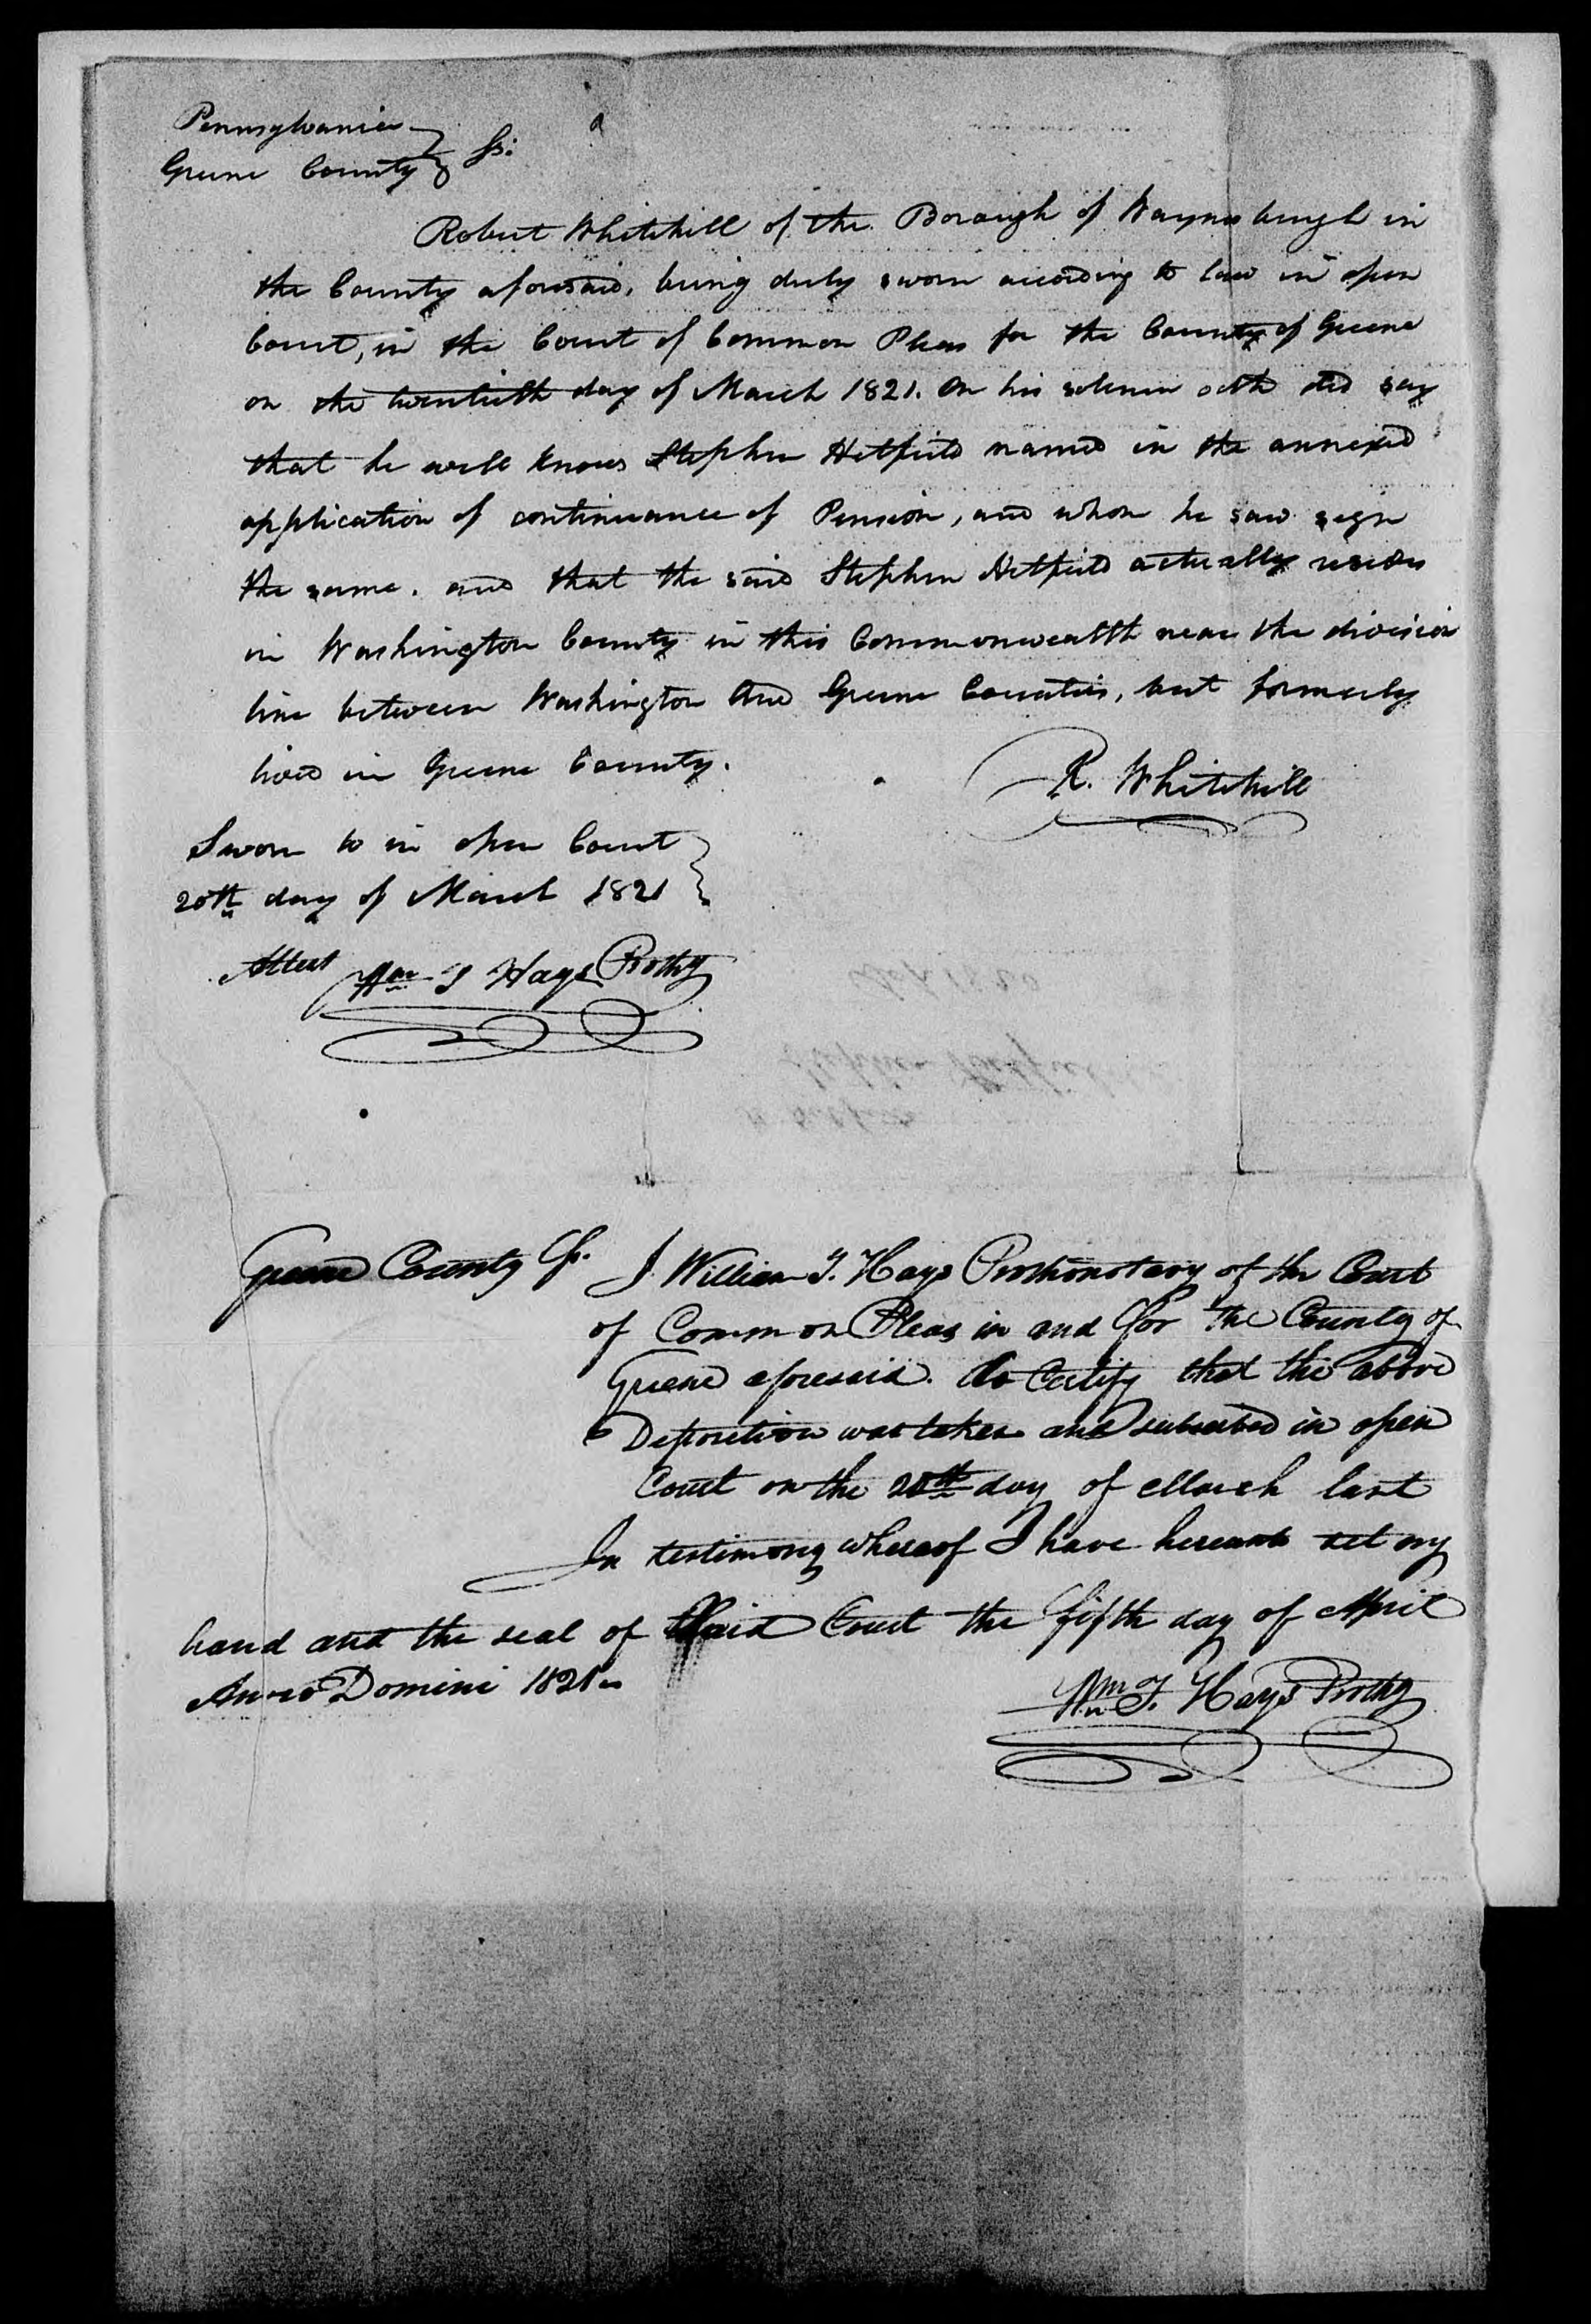Pennsylvania
Greene County  Ss:

Robert Whitehill of the Borough of Waynes burgh
the County aforesaid, being duly sworn in according to law in open
Court, in the Court of Common Pleas for the County of Greene
on the twentieth day of March 1821. On his solemn oath did say
that he well knows Stephen Hetfield named in the annexed
application of continuance of Pension, and whom he saw sign
the same. and that the said Stephen Hetfield actually resides
in Washington County in this Commonwealth near the division
line between Washington and Greene Counties, but formerly
lived in Greene County.

Sworn to in open Court
20th day of March 1821

Attest Wm T Hays  Protho [flourish]

R. Whitehill

Greene County Ss.

I William Hays, Prothonotary of the Court
of Common Pleas in and for the County of
Greene aforesaid. do Certify that the above
Deposition was taken and subscribed in open
Court on the 20th day of March last
In testimony whereof I have hereunto set my
hand and the seal of Said Court the fifth day of April
Anno Domini 1821
[There is the outline of a round seal to the left of the above.]

Wm T Hays  Protho [flourish]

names: William T Hays, Stephen Hetfield, R Whitehill, Robert Whitehill, Wm T Hays, Wm T Hays, Stephen Hetfield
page: 9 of 45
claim: widow's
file: W. 2734, Stephen Hetfield, New Jersey